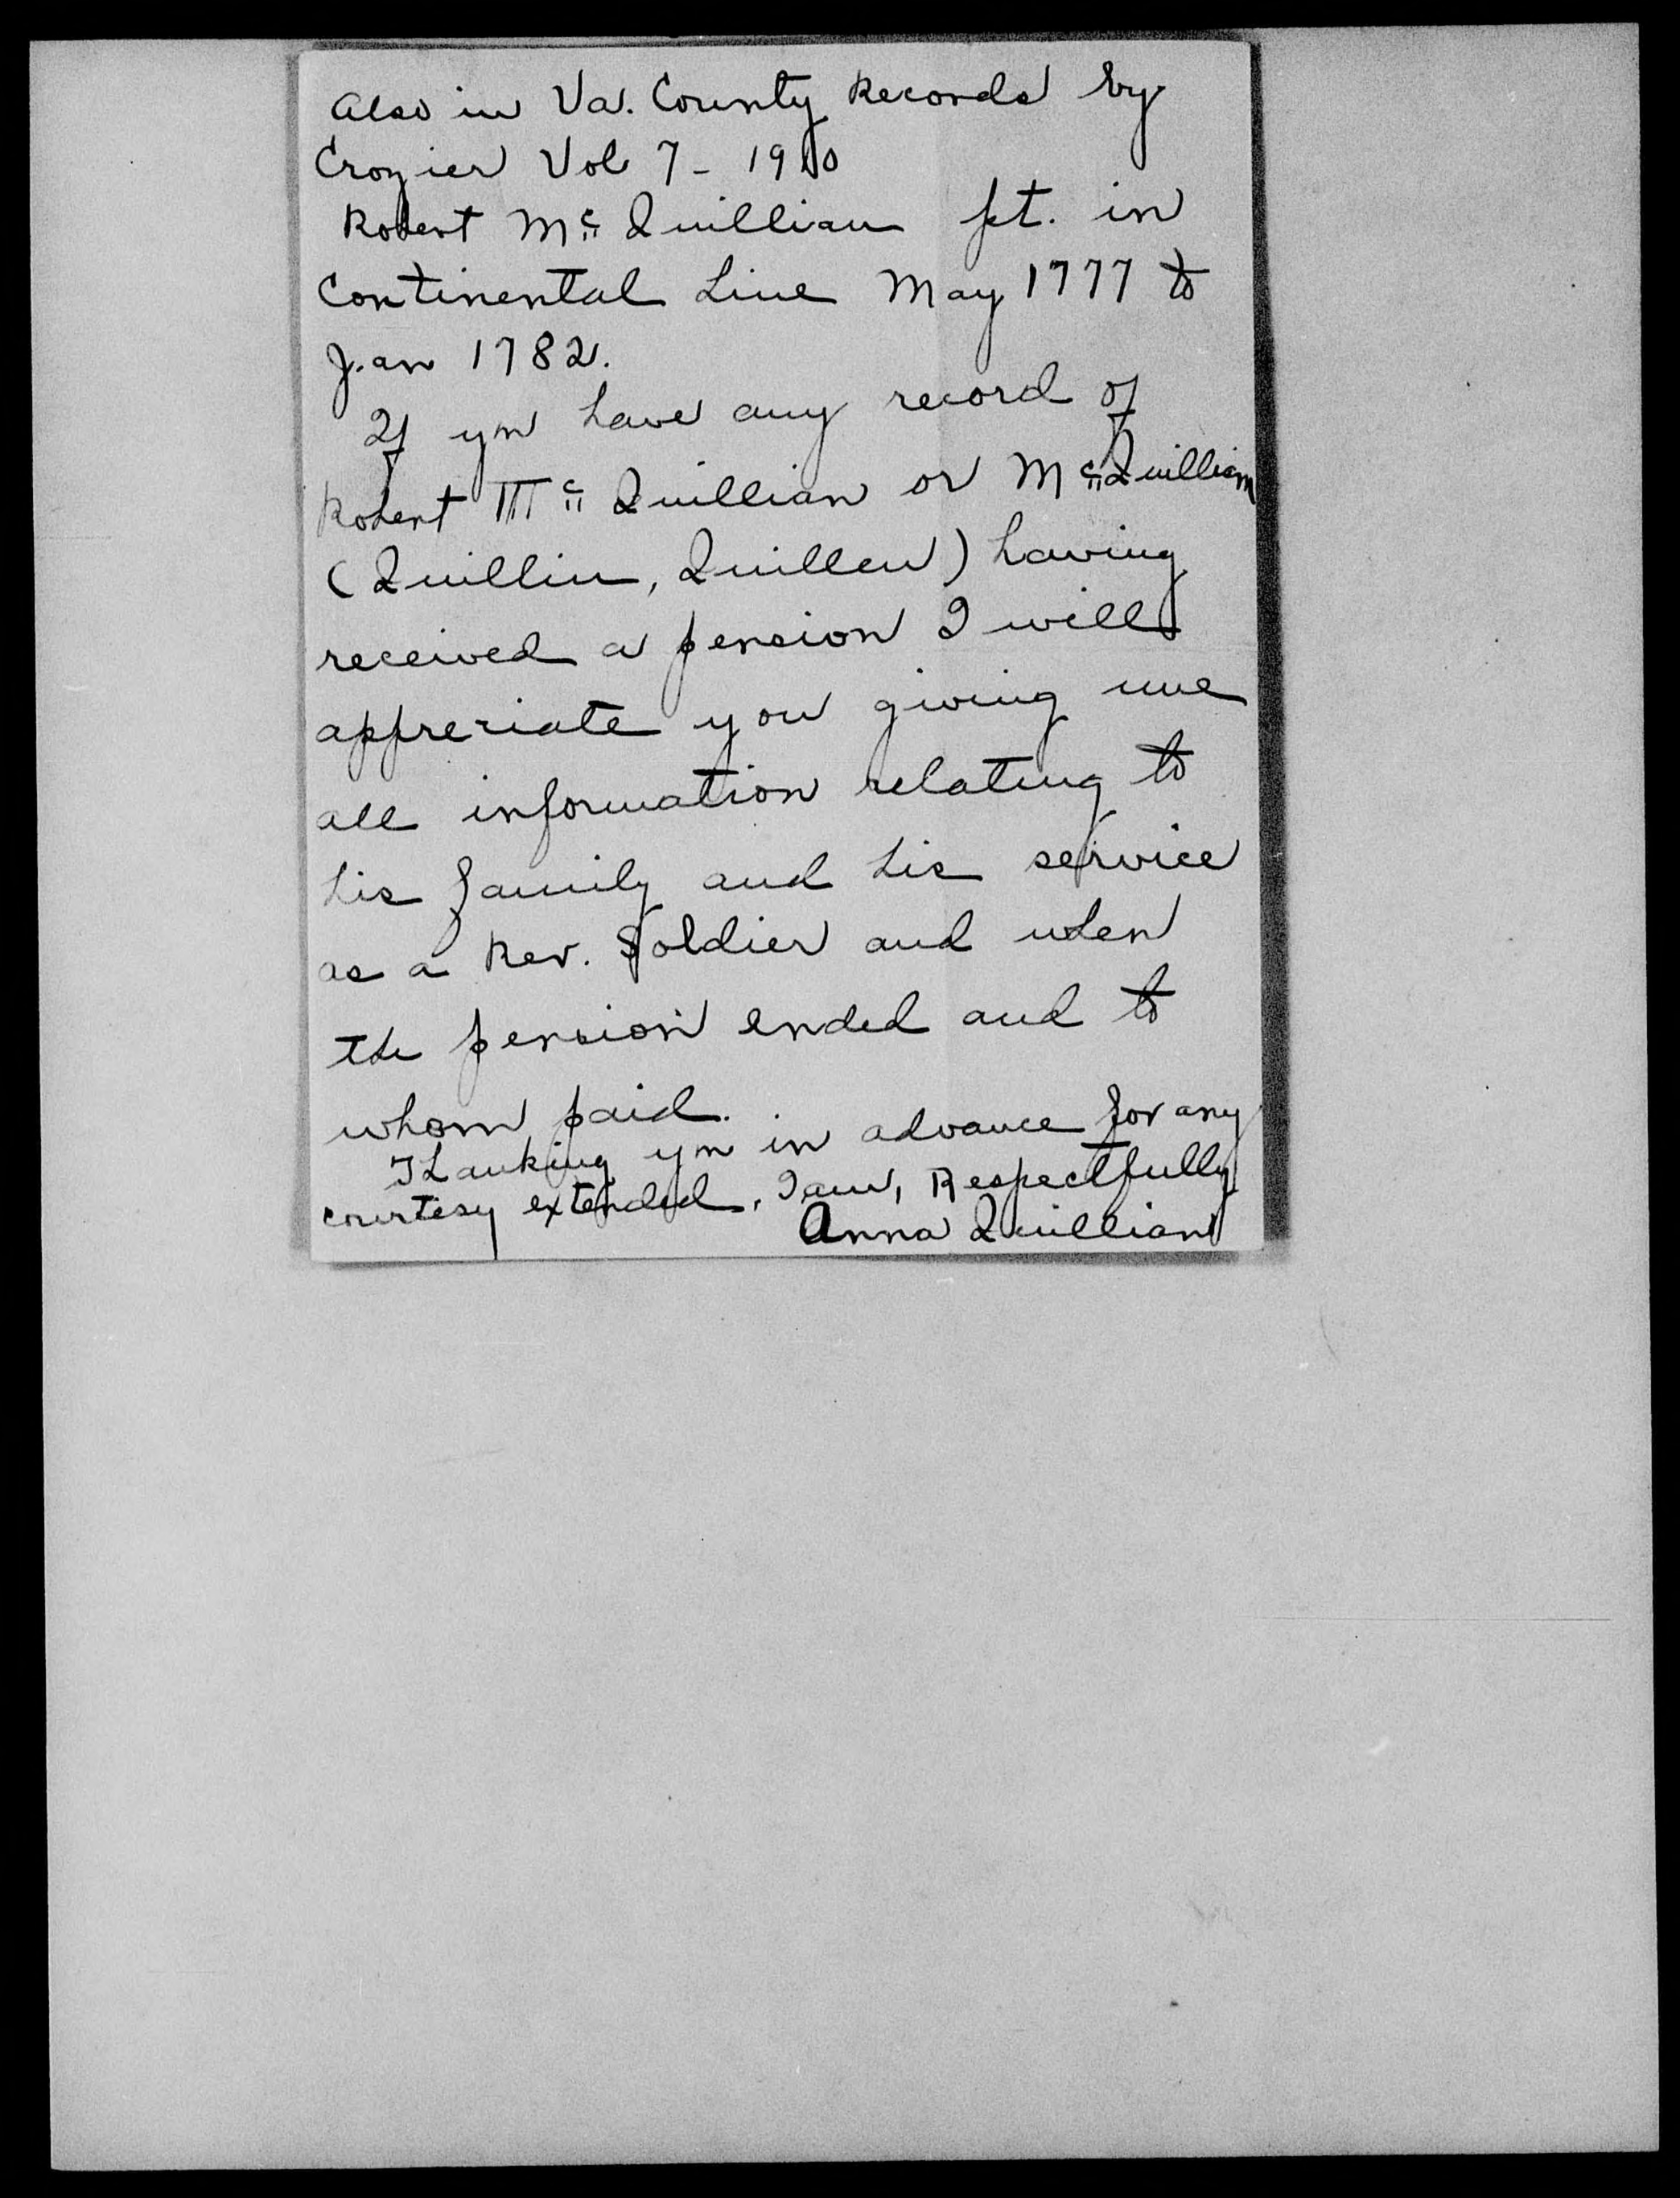Also in Va. County Records by 
Crozier Vol 7- 1910

Robert McQuillian pt. in Continental Line May 1777 to Jan 1782.
If you have any record of
Robert McQuillian or McQuillien, (Quillin, Quillen) having received a pension I will appreciate you giving me all information relating to his family and his service as a Rev. Soldier and when the pension ended and to whom paid.
Thanking you in advance for any
courtesy extended.
I am, Respectfully
Anna Quillian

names: Robert Mc Quillian; Anna Quillian; Robert Mc Quillin; Robert Quillen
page: 3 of 12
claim: bounty land warrant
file: B. L. Wt. 392-100, for Robert Quillin, Virginia